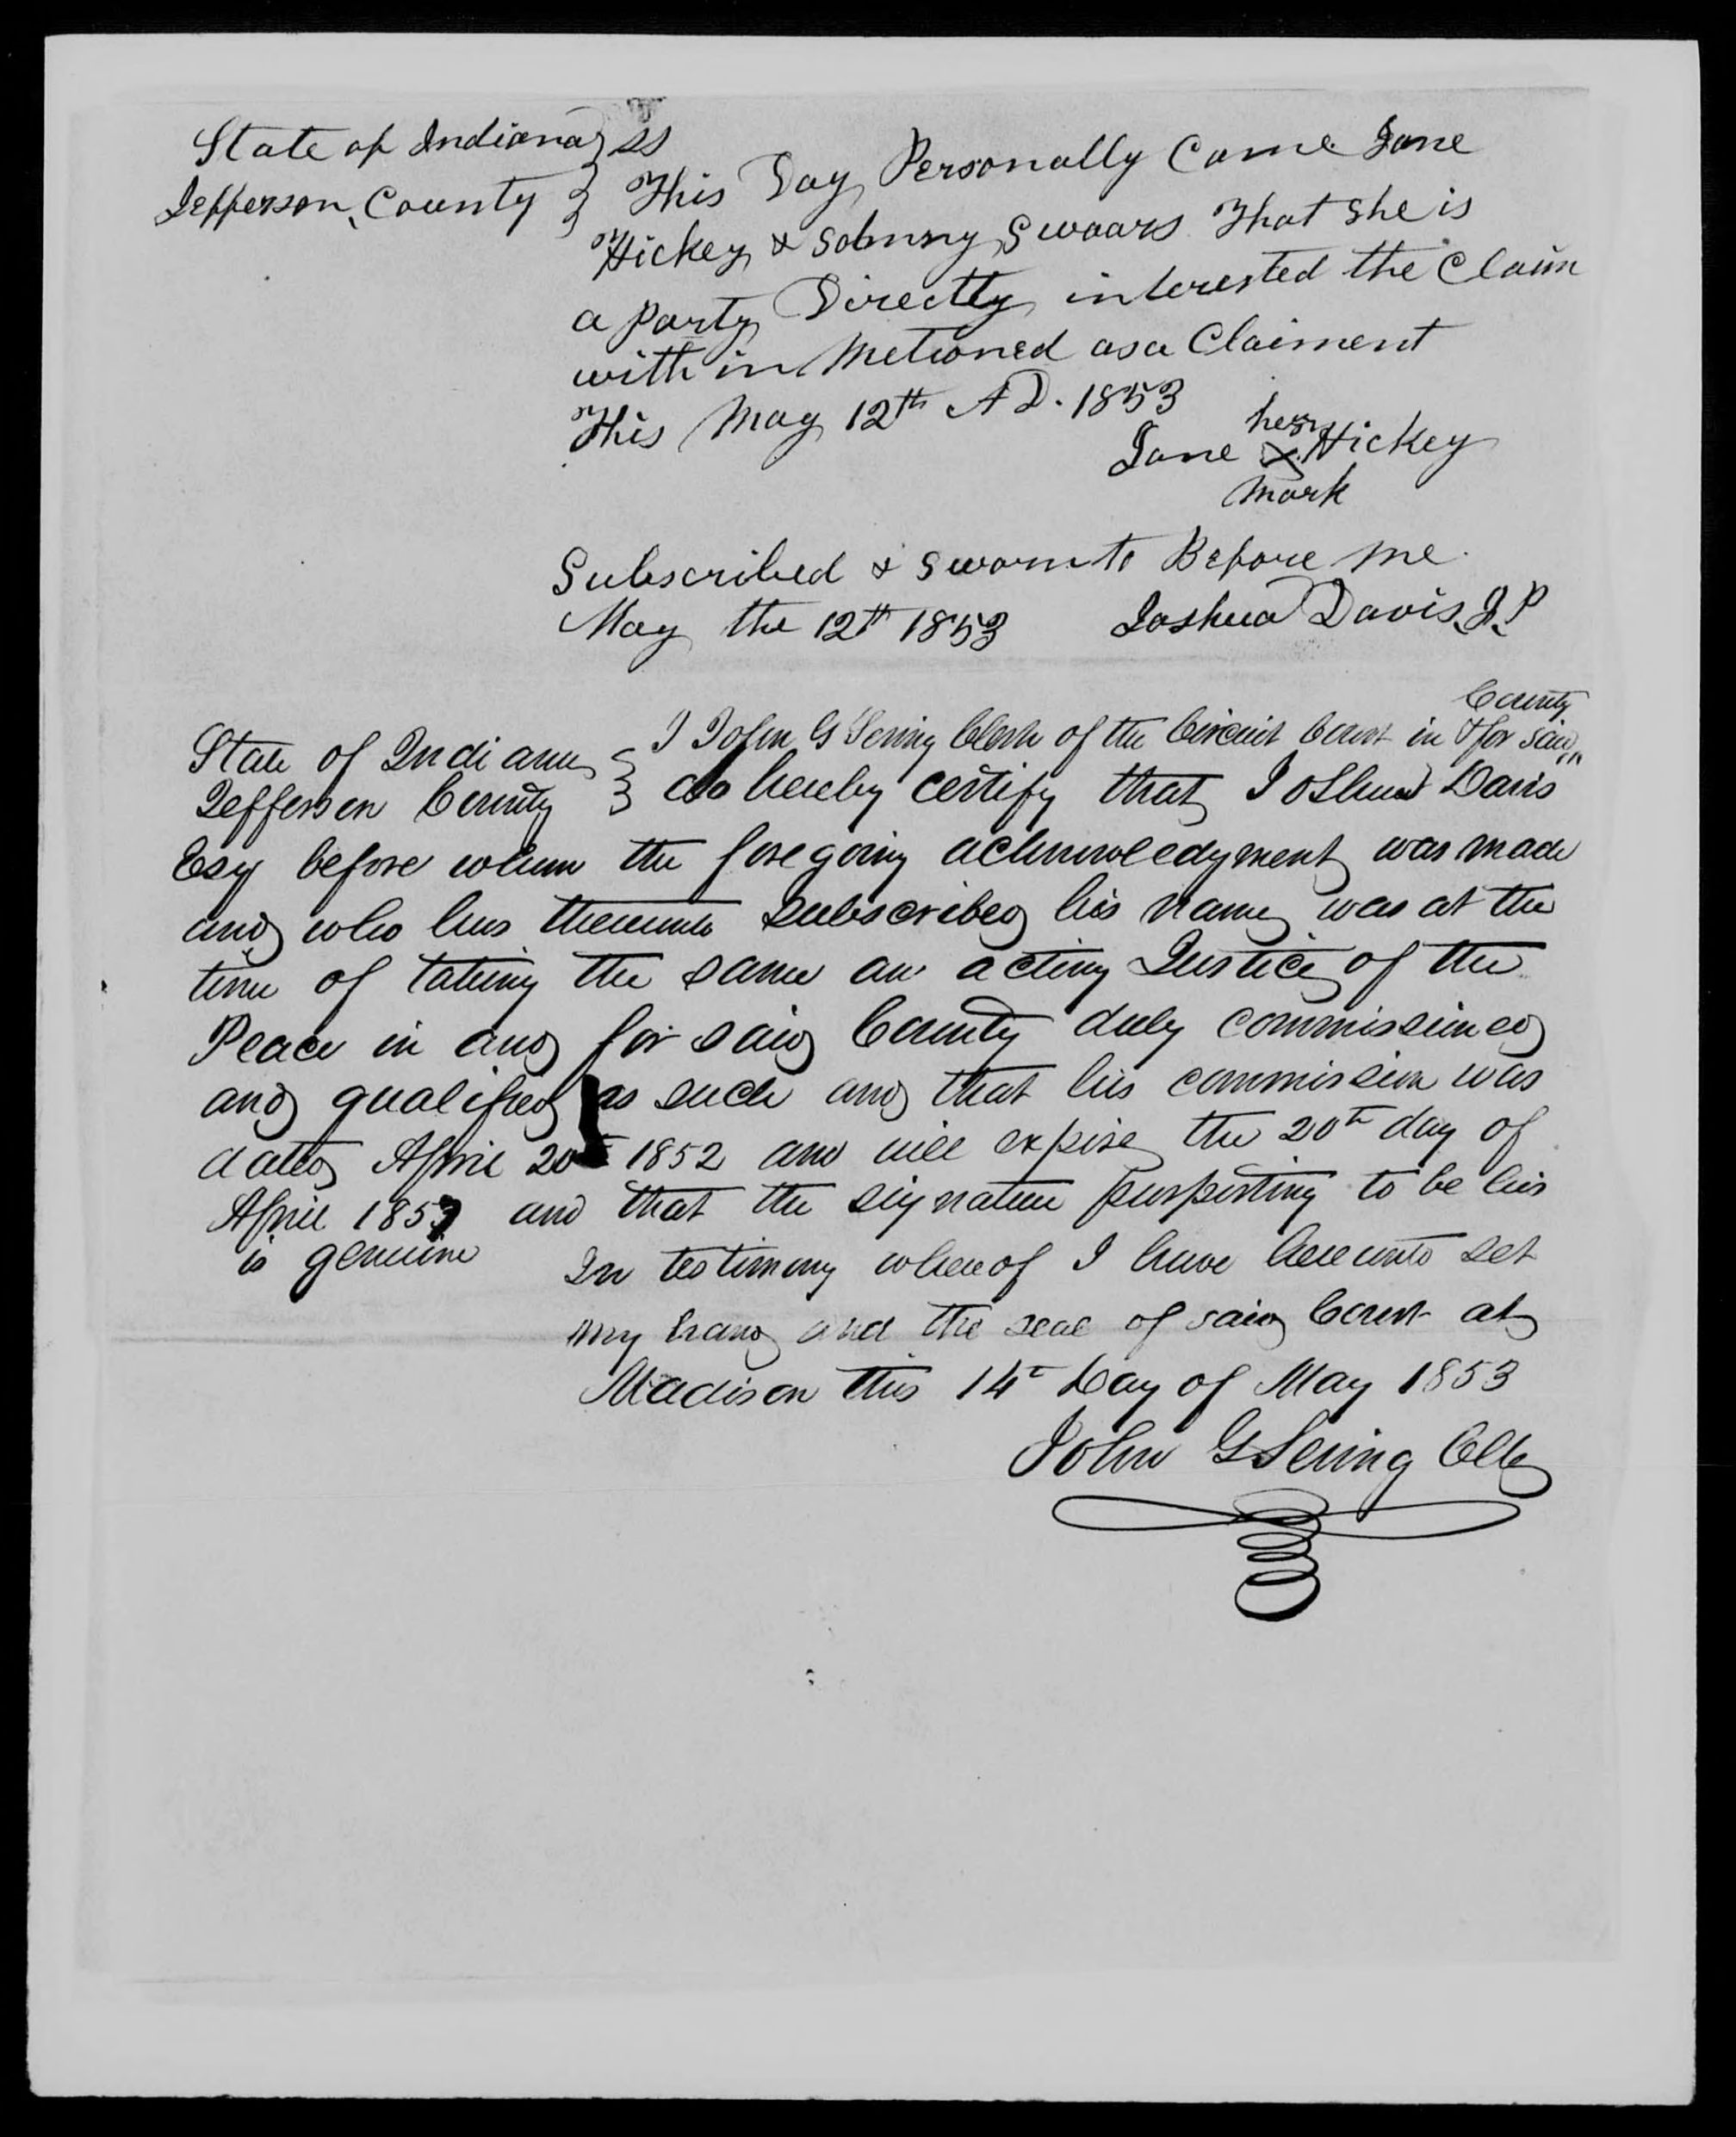State of Indiana
Jefferson County
ss
This Day Personally came Jane
Hickey
& solmnly [solemnly] swears that she is a
party Directly interested the claim
with in metioned as a Claiment
This May 12th AD 1853
Her
Jane x Hickey
Mark
Subscribed & sworn to before me
May the 12th 1853
Joshua Davis J P
County
State of Indiana
Jefferson County
I John G Sering Clerk of the Circuit Court in & for saw
do hereby certify that Joshua Davis
Esq before whom the foregoing acknowledgment was made
and who has thereunto subscribed his name was at the time of taking the same an acting Justice of the Peace in and for said County duly commissioned and qualified as such and that his commission was oath April 20th 1852 and will expire the 20th day of  April 1857 and that the signature purporting to be his
is genuine
In testimony whereof I have hereunto set
my hand and the seal of said Court at
Madison this 14th day of May 1853
John G Sering Cl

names: Solmey Swaars, Joshua Davis, Joshua Davis, Jane Hickey, John G Sering, John G Sering, Jane Hickey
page: 56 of 84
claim: widow's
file: W. 7744, Daniel Hickey, Penn.